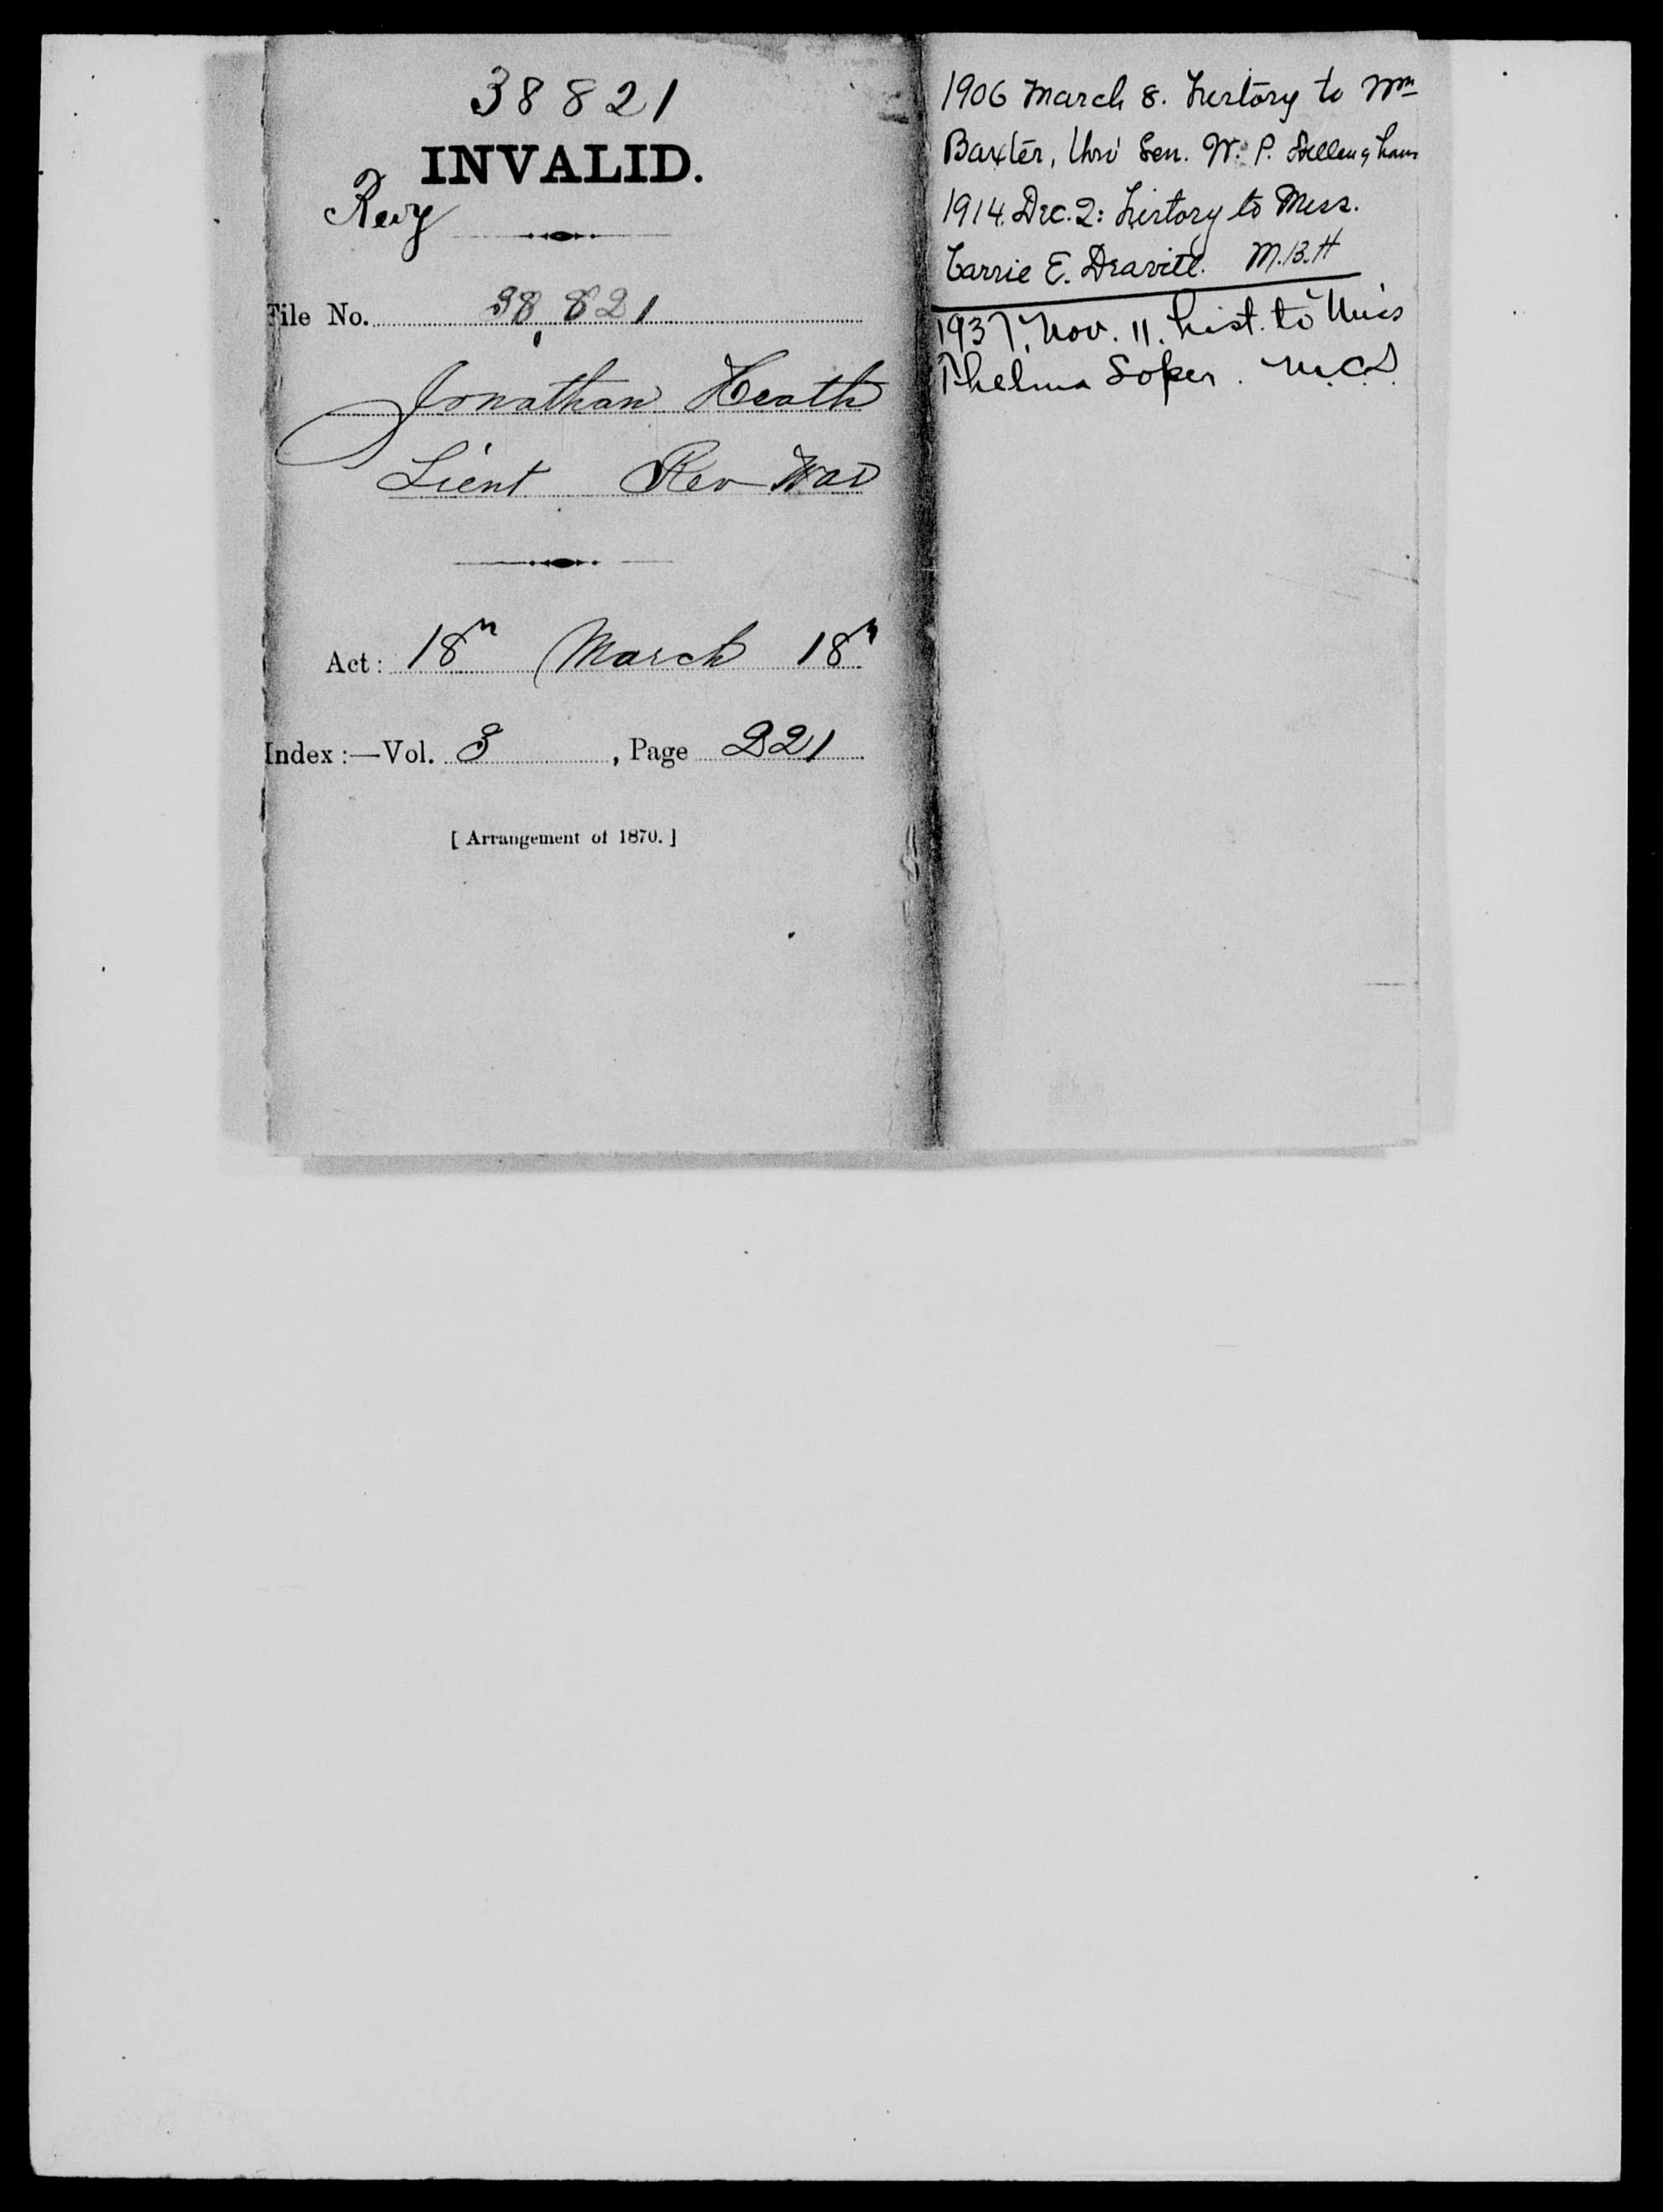38821
INVALID. Revy
File No. 38821
Jonathan Heath
Lieut  Rev. War
Act: 18th  March 18th
Index: -- Vol. 3   Page 221

{Arrangement of 1870.}

1906 March 8. history to Wm Baxter, this Sen. W. P. Dillingham
1914. Dec. 2: history to Miss.
Carrie E. Deavett M. B. H.
=================================
1937 Nov. 11. Hist to this Thelma Loper
M.D.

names: Wm Baxter, Jonathan Heath, Thelma Loper, Carrie E Deavitt, W P Dillingham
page: 7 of 22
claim: survivor's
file: S. 38821, Jonathan Heath, Continental N.H.